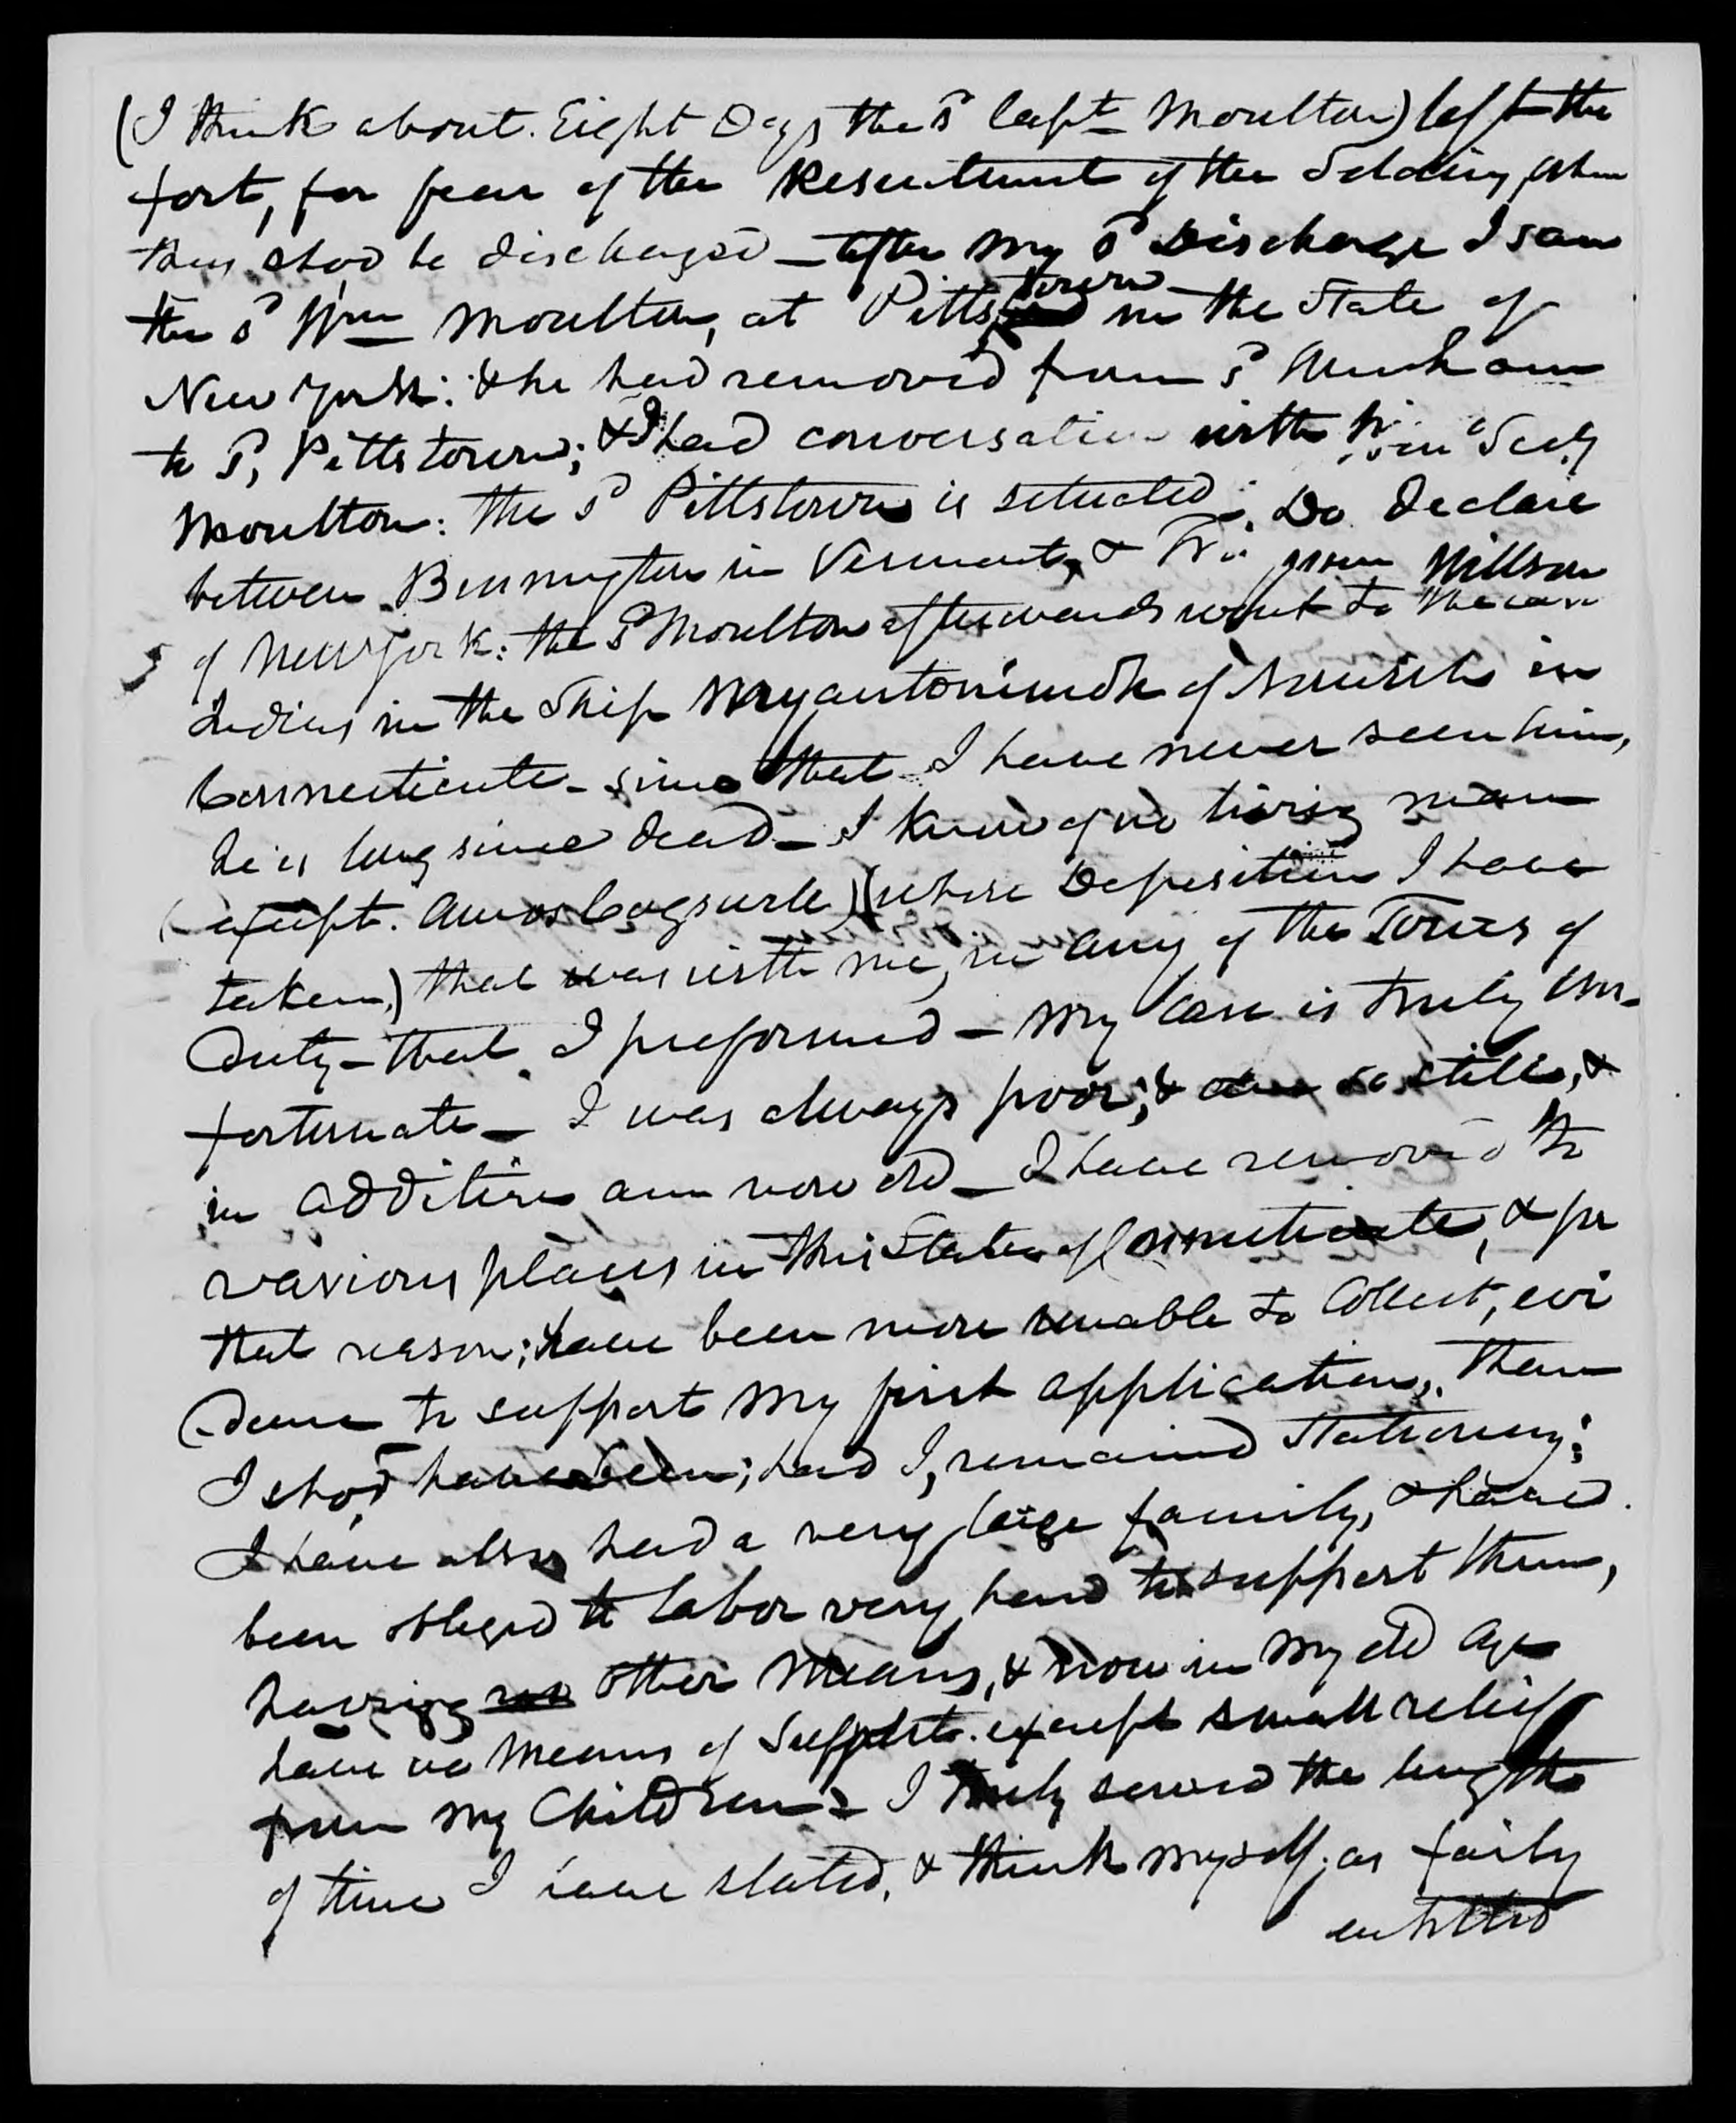(I think about eight days the said Captain Moulton) left the fort, for fear of the [illegible] of the soldiers, [illegible...] discharged. After my said discharge I saw the said Wm. Moulton, at Pittstown in the state of New York. He had removed from said (?) to said Pittstown; & I had conversation with him (?) Moulton: the said Pittstown is situated between Bennington in Vermont & (?) of said New York. The said Moulton afterwards went to the (?) in the ship [ship name illegible] in Connecticut. Since that I have never seen him. He is long since dead. I know of no [illegible...] (where depositions I have taken) that was with me, in any of the tours of duty  - that I performed - my case is truly unfortunate. I was always poor & am so still, & in addition am now old. I have removed (?) various places in this state of Connecticut, & for that reason, have been more unable to collect evidence to support my first application than I should have been. Last, I remained stationary: I have also had a very large family & have been obliged to labor very hard to support them, having no other means & now in my old age have no means of support except small relief from my children. I truly served the length of time I have stated, & think myself as fairly (?)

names: Wm Moulton, Moulton, Wm Willson, Moulton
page: 11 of 50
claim: survivor's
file: S 10607, Jabez Edwards, Conn.